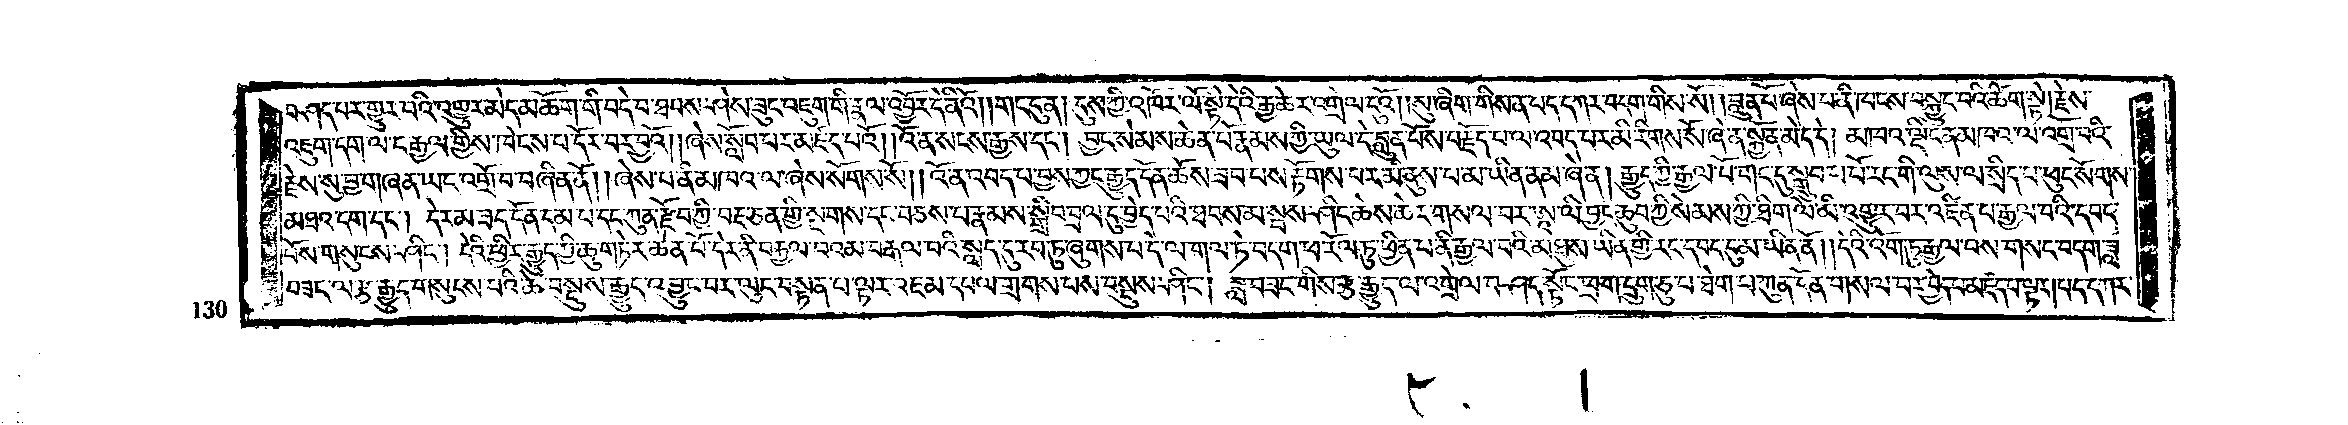བཤད་པར་གྱུར་པའི་འགྱུར་མེད་མཆོག་གི་བདེ་བ་ཐབས་ཤེས་ཟུང་འཇུག་གི་རྣལ་འབྱོར་དེ་ནིའོ། །གང་དུ་ན། དུས་ཀྱི་འཁོར་ལོ་སྟེ་དེའི་རྒྱ་ཆེར་འགྲེལ་དུའོ། །སུ་ཞིག་གིས་ན་པད་དཀར་བདག་གིས་སོ། །བླུན་པོ་ཞེས་པ་ནི་ཁེངས་བསྐྱུང་བའི་ཚིག་སྟེ། རྗེས་
འཇུག་དག་ལ་ང་རྒྱལ་གྱིས་ཁེངས་པ་དོར་བར་བྱའོ། །ཞེས་སློབ་པར་མཛད་པའོ། །འོ་ན་སངས་རྒྱས་དང་། བྱང་སེམས་ཆེན་པོ་རྣམས་ཀྱི་ཡུལ་དེ་བླུན་པོས་བརྗོད་པ་ལ་འབད་པར་མི་རིགས་སོ་ཞེ་ན་སྐྱོན་མེད་དེ། མཁའ་ལྡིང་ནམ་མཁའ་ལ་འགྲོ་བའི་
རྗེས་སུ་བྱ་གཞན་ཡང་འགྲོ་བ་བཞིན་ནོ། །ཞེས་པ་ནི་མཁའ་ལ་ཞེས་སོགས་སོ། །འོ་ན་འབད་པ་བྱས་ཀྱང་རྒྱུད་དོན་ཆེས་ཟབ་པས་རྟོགས་པར་མི་ནུས་པ་མ་ཡིན་ནམ་ཞེ་ན། རྒྱུད་ཀྱི་རྒྱལ་པོ་གང་དུ་སྒྲུབ་པ་པོ་རང་གི་ལུས་ལ་སྲིད་པ་ཕུང་སོགས་
མཐའ་དག་དང་། དེར་མ་ཟད་དོན་དམ་པ་དང་ཀུན་རྫོབ་ཀྱི་བརྡ་ཅན་གྱི་སྔགས་དང་བཅས་པ་རྣམས་སྒྲིབ་བྲལ་དུ་བྱེད་པའི་ཐབས་མ་སྦས་ཤིང་ཆེས་ཆེར་གསལ་བར་ཨཱ་ལི་བྱང་ཆུབ་ཀྱི་སེམས་ཀྱི་ཐིག་ལེ་མི་འགྱུར་བར་འཛིན་པ་རྒྱལ་བའི་དབང་
པོས་གསུངས་ཤིང་། དེའི་ཕྱིར་རྒྱུད་ཀྱི་ཆུ་གཏེར་ཆེན་པོ་དེར་ནི་བརྐྱལ་བའམ་བརྒལ་བའི་སླད་དུ་རབ་ཏུ་ཞུགས་པ་དེ་ལ་གལ་ཏེ་བདག་ཕ་རོལ་ཏུ་ཕྱིན་པ་ནི་རྒྱལ་བའི་མཐུས་ཡིན་གྱི་རང་དབང་དུ་མ་ཡིན་ནོ། །དེའི་འོག་ཏུ་རྒྱལ་བས་གསང་བདག་ཟླ་
བཟང་ལ་རྩ་རྒྱུད་གསུངས་པའི་ཚེ་བསྡུས་རྒྱུད་འབྱུང་བར་ལུང་བསྟན་པ་ལྟར་འཇམ་དཔལ་གྲགས་པས་བསྡུས་ཤིང་། ཟླ་བཟང་གིས་རྩ་རྒྱུད་ལ་འགྲེལ་བཤད་སྟོང་ཕྲག་དྲུག་ཅུ་པ་ཐེག་པ་ཀུན་དོན་གསལ་བར་བྱེད་པ་མཛད་པ་ལྟར། པད་དཀར་